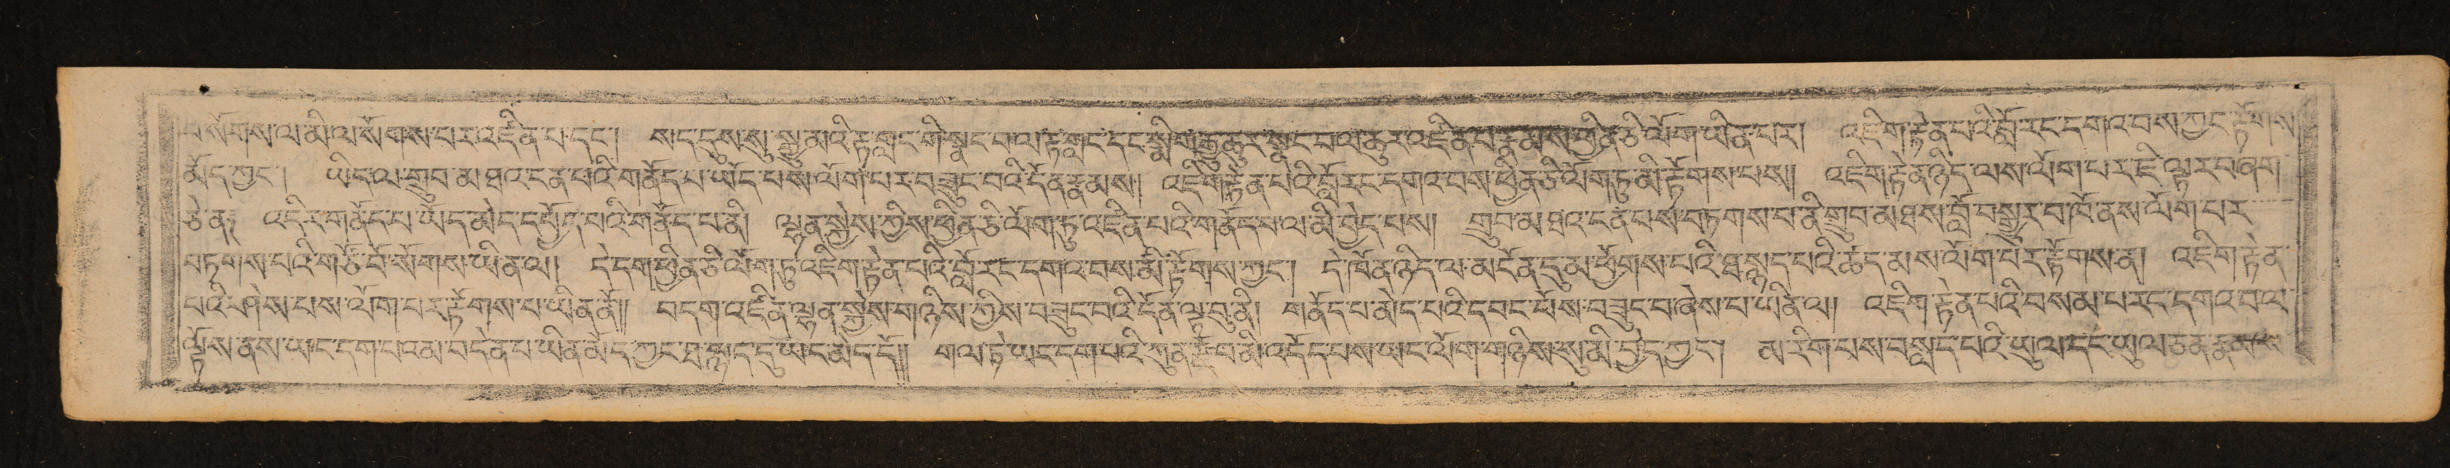བ་སོགས་ལ་མི་ལ་སོགས་པར་འཛིན་པ་དང་། སད་དུས་སུ་སྒྱུ་མའི་རྟ་གླང་གི་སྣང་བ་ལ་རྟ་གླང་དང་སྨིག་རྒྱུ་ཆུར་སྣང་བ་ལ་ཆུར་འཛིན་པ་རྣམས་ཕྱིན་ཅི་ལོག་ཡིན་པར། འཇིག་རྟེན་པའི་བློ་རང་དགའ་བས་ཀྱང་རྟོགས་
མོད་ཀྱང་། ཡིད་ལ་གྲུབ་མཐའ་ངན་པའི་གནོད་པ་ཡོད་པས་ལོག་པར་བཟུང་བའི་དོན་རྣམས། འཇིག་རྟེན་པའི་བློ་རང་དགའ་བས་ཕྱིན་ཅི་ལོག་ཏུ་མི་རྟོགས་པས། འཇིག་རྟེན་ཉིད་ལས་ལོག་པར་ཇི་ལྟར་བཞག་
ཅེ་ན༑ འདིར་གནོད་པ་ཡོད་མེད་དཔྱོད་པའི་གནོད་པ་ནི། ལྷན་སྐྱེས་ཀྱིས་ཕྱིན་ཅི་ལོག་ཏུ་འཛིན་པའི་གནོད་པ་ལ་མི་བྱེད་པས། གྲུབ་མཐའ་ངན་པས་བཏགས་པ་ནི་གྲུབ་མཐས་བློ་བསྒྱུར་བ་ཁོ་ནས་ལོག་པར་
བཏགས་པའི་གཙོ་བོ་སོགས་ཡིན་ལ། དེ་དག་ཕྱིན་ཅི་ལོག་ཏུ་འཇིག་རྟེན་པའི་བློ་རང་དགའ་བས་མི་རྟོགས་ཀྱང་། དེ་ཁོ་ན་ཉིད་ལ་མངོན་དུ་མ་ཕྱོགས་པའི་ཐ་སྙད་པའི་ཚད་མས་ལོག་པར་རྟོགས་ན། འཇིག་རྟེན་
པའི་ཤེས་པས་ལོག་པར་རྟོགས་པ་ཡིན་ནོ།། བདག་འཛིན་ལྷན་སྐྱེས་གཉིས་ཀྱིས་བཟུང་བའི་དོན་ལྟ་བུ་ནི། གནོད་པ་མེད་པའི་དབང་པོས་བཟུང་བ་ཞེས་པ་ཡིན་ལ། འཇིག་རྟེན་པའི་བསམ་པ་རང་དགའ་བ་ལ་
ལྟོས་ནས་ཡང་དག་པའམ་བདེན་པ་ཡིན་མོད་ཀྱང་ཐ་སྙད་དུ་ཡང་མེད་དོ།། གལ་ཏེ་ཡང་དག་པའི་ཀུན་རྫོབ་མི་འདོད་པས་ཡང་ལོག་གཉིས་སུ་མི་བྱེད་ཀྱང་། མ་རིག་པས་བསླད་པའི་ཡུལ་དང་ཡུལ་ཅན་རྣམས་